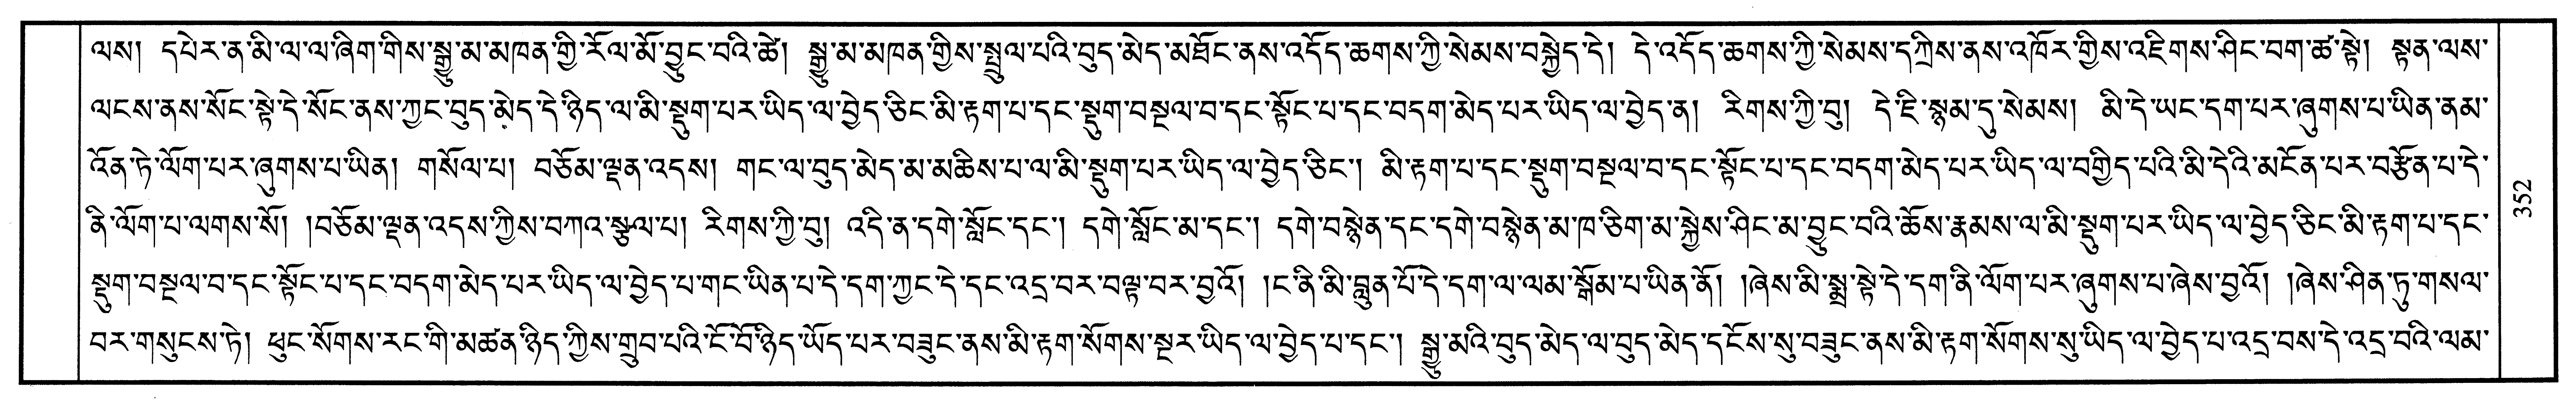ལས། དཔེར་ན་མི་ལ་ལ་ཞིག་གིས་སྒྱུ་མ་མཁན་གྱི་རོལ་མོ་བྱུང་བའི་ཚེ། སྒྱུ་མ་མཁན་གྱིས་སྤྲུལ་པའི་བུད་མེད་མཐོང་ནས་འདོད་ཆགས་ཀྱི་སེམས་བསྐྱེད་དེ། དེ་འདོད་ཆགས་ཀྱི་སེམས་དཀྲིས་ནས་འཁོར་གྱིས་འཇིགས་ཤིང་བག་ཚ་སྟེ། སྟན་ལས་
ལངས་ནས་སོང་སྟེ་དེ་སོང་ནས་ཀྱང་བུད་མེད་དེ་ཉིད་ལ་མི་སྡུག་པར་ཡིད་ལ་བྱེད་ཅིང་མི་རྟག་པ་དང་སྡུག་བསྔལ་བ་དང་སྟོང་པ་དང་བདག་མེད་པར་ཡིད་ལ་བྱེད་ན། རིགས་ཀྱི་བུ། དེ་ཇི་སྙམ་དུ་སེམས། མི་དེ་ཡང་དག་པར་ཞུགས་པ་ཡིན་ནམ་
འོན་ཏེ་ལོག་པར་ཞུགས་པ་ཡིན། གསོལ་པ། བཅོམ་ལྡན་འདས། གང་ལ་བུད་མེད་མ་མཆིས་པ་ལ་མི་སྡུག་པར་ཡིད་ལ་བྱེད་ཅིང་། མི་རྟག་པ་དང་སྡུག་བསྔལ་བ་དང་སྟོང་པ་དང་བདག་མེད་པར་ཡིད་ལ་བགྱིད་པའི་མི་དེའི་མངོན་པར་བརྩོན་པ་དེ་
ནི་ལོག་པ་ལགས་སོ། །བཅོམ་ལྡན་འདས་ཀྱིས་བཀའ་སྩལ་པ། རིགས་ཀྱི་བུ། འདི་ན་དགེ་སློང་དང་། དགེ་སློང་མ་དང་། དགེ་བསྙེན་དང་དགེ་བསྙེན་མ་ཁ་ཅིག་མ་སྐྱེས་ཤིང་མ་བྱུང་བའི་ཆོས་རྣམས་ལ་མི་སྡུག་པར་ཡིད་ལ་བྱེད་ཅིང་མི་རྟག་པ་དང་
སྡུག་བསྔལ་བ་དང་སྟོང་པ་དང་བདག་མེད་པར་ཡིད་ལ་བྱེད་པ་གང་ཡིན་པ་དེ་དག་ཀྱང་དེ་དང་འདྲ་བར་བལྟ་བར་བྱའོ། །ང་ནི་མི་བླུན་པོ་དེ་དག་ལ་ལམ་སྒོམ་པ་ཡིན་ནོ། །ཞེས་མི་སྨྲ་སྟེ་དེ་དག་ནི་ལོག་པར་ཞུགས་པ་ཞེས་བྱའོ། །ཞེས་ཤིན་ཏུ་གསལ་
བར་གསུངས་ཏེ། ཕུང་སོགས་རང་གི་མཚན་ཉིད་ཀྱིས་གྲུབ་པའི་ངོ་བོ་ཉིད་ཡོད་པར་བཟུང་ནས་མི་རྟག་སོགས་སྔར་ཡིད་ལ་བྱེད་པ་དང་། སྒྱུ་མའི་བུད་མེད་ལ་བུད་མེད་དངོས་སུ་བཟུང་ནས་མི་རྟག་སོགས་སུ་ཡིད་ལ་བྱེད་པ་འདྲ་བས་དེ་འདྲ་བའི་ལམ་